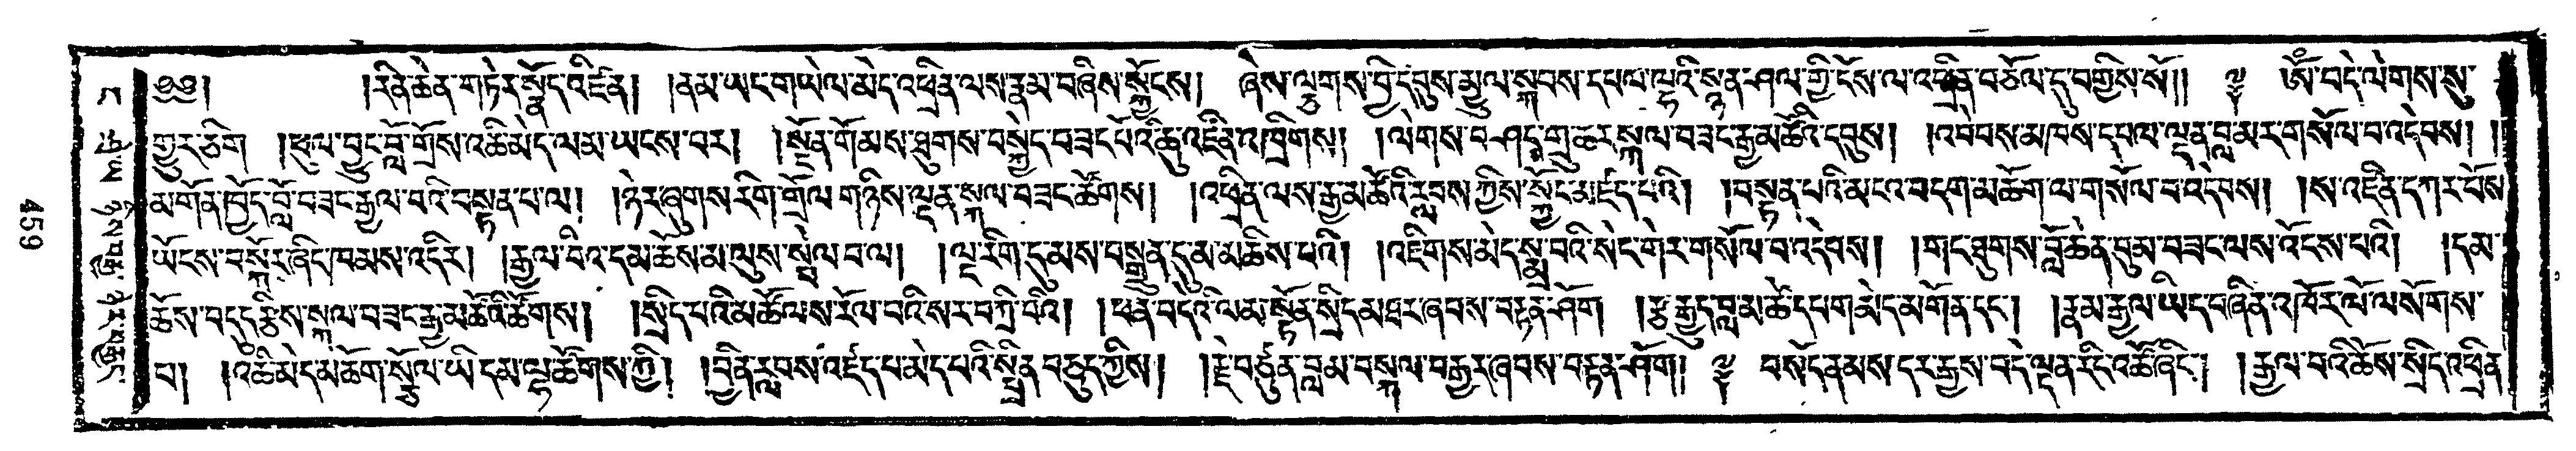༄༅། །རིན་ཆེན་གཏེར་སྣོད་འཛིན། །ནམ་ཡང་གཡེལ་མེད་འཕྲིན་ལས་རྣམ་བཞིས་སྐྱོངས། ཞེས་ལྕགས་བྱི་དབུས་མྱུལ་སྐབས་དཔལ་ལྷའི་སྙན་ཤལ་གྱི་ངོས་ལ་འཕྲིན་ལས་བཅོ་དུ་བགྱིས་སོ།། ༈ ཨོཾ་བདེ་ལེགས་སུ་
གྱུར་ཅིག །ཕུལ་བྱུང་བློ་གྲོས་འཆི་མེད་ལམ་ཡངས་བར། །སྔོན་གོམས་ཐུགས་བསྐྱེད་བཟང་པོའི་ཆུ་འཛིན་འཁྲིགས། །ལེགས་བཤད་གྲུ་ཆར་སྐལ་བཟང་རྒྱ་མཚོའི་དབུས། །འབེབས་མཁས་དཔལ་ལྡན་བླ་མར་གསོལ་བ་འདེབས། །
མགོན་ཁྱོད་བློ་བཟང་རྒྱལ་བའི་བསྟན་པ་ལ། །ཉེར་ཞུགས་རིག་གྲོལ་གཉིས་ལྡན་སྐལ་བཟང་ཚོགས། །འཕྲིན་ལས་རྒྱ་མཚོའི་རླབས་ཀྱིས་སྐྱོང་མཛད་པའི། །བསྟན་པའི་མངའ་བདག་མཆོག་ལ་གསོལ་བ་འདེབས། །ས་འཛིན་དཀར་པོས་
ཡོངས་བསྐོར་ཞིང་ཁམས་འདིར། །རྒྱལ་བའི་དམ་ཆོས་མ་ལུས་སྤེལ་བ་ལ། །ལྔ་རིག་དུ་མས་བསྒྲུན་དུ་མ་མཆིས་པའི། ། འཇིགས་མེད་སྨྲ་བའི་སེང་གེར་གསོལ་བ་འདེབས། །གང་ཐུགས་བློ་ཆེན་བུམ་བཟང་ལས་འོངས་པའི། །ད་
ཆོས་བདུད་རྩིས་སྐལ་བཟང་རྒྱ་མཚོའི་ཚོགས། །སྲིད་པའི་མཚོ་ལས་རོལ་བའི་སར་བཀྲི་བའི། །ཕན་བདེའི་ལམ་སྟོན་སྲིད་མཐར་ཞབས་བརྟན་ཤོག །རྩ་རྒྱུད་བླ་མ་ཚེ་དཔག་མེད་མགོན་དང་། །རྣམ་རྒྱལ་ཡིད་བཞིན་འཁོར་ལོ་ལ་སོགས་
པ། །འཆི་མེད་མཆོག་སྩོལ་ཡི་དམ་ལྷ་ཚོགས་ཀྱི། །བྱིན་རླབས་འཛད་པ་མེད་པའི་སྤྲིན་བཅུད་ཀྱིས། །རྗེ་བཙུན་བླ་མ་བསྐལ་བརྒྱར་ཞབས་བརྟན་ཤོག། ༈ བསོད་ནམས་དར་རྒྱས་བདེ་ལྡན་རིང་འཚོ་ཞིང་། །རྒྱལ་བའི་ཆོས་སྲིད་འཕྲིན་